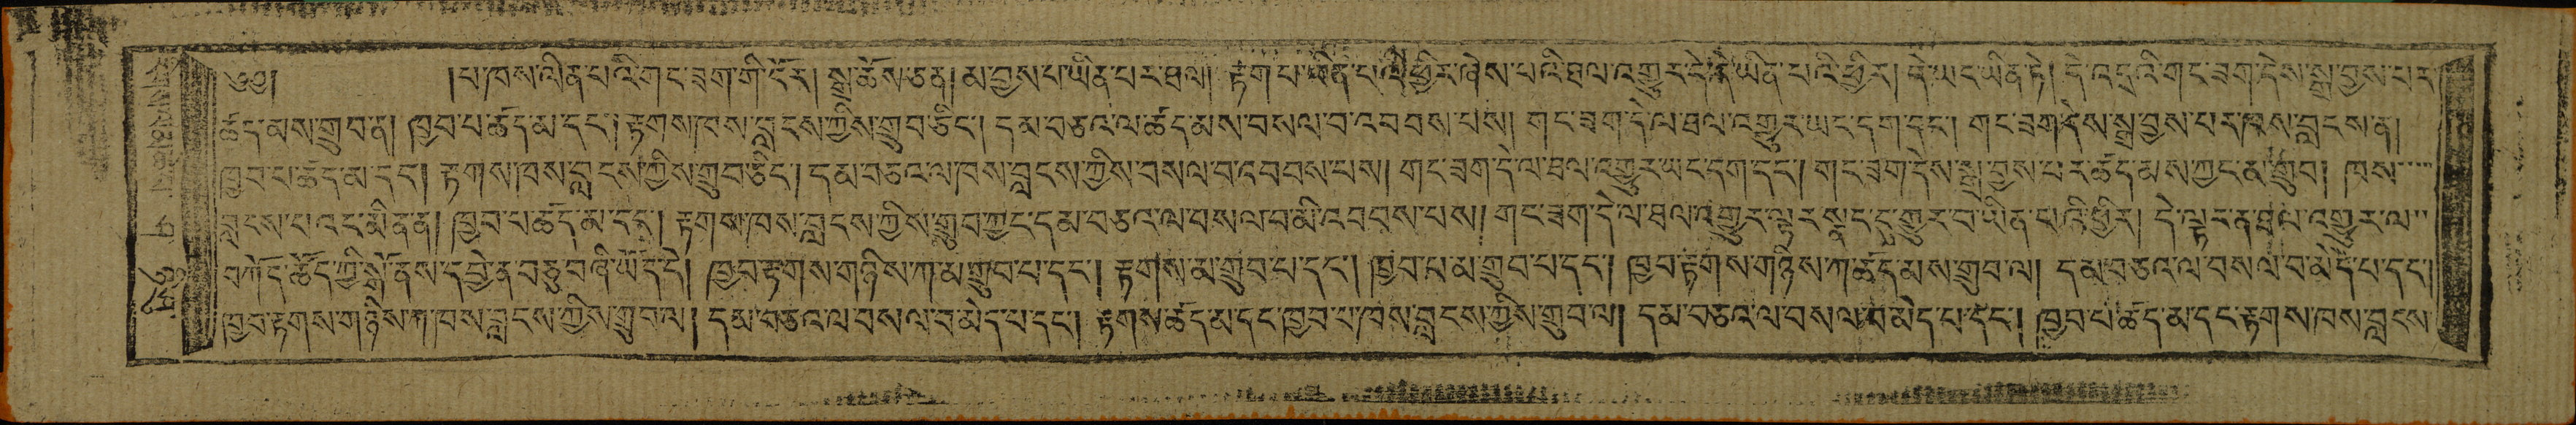༄༅། །པ་ཁས་ལེན་པའི་གང་ཟག་གི་ངོར། སྒྲ་ཆོས་ཅན། མ་བྱས་པ་ཡིན་པར་ཐལ། རྟག་པ་ཡིན་པའི་ཕྱིར་ཞེས་པའི་ཐལ་འགྱུར་དེ་དེ་ཡིན་པའི་ཕྱིར། དེ་ཡང་ཡིན་ཏེ། དེ་འདྲའི་གང་ཟག་དེས་སྒྲ་བྱས་པར་
ཚད་མས་གྲུབ་ན། ཁྱབ་པ་ཚད་མ་དང་། རྟགས་ཁས་བླངས་ཀྱིས་གྲུབ་ཅིང་། དམ་བཅའ་ལ་ཚད་མས་བསལ་བ་འབབས་པས། གང་ཟག་དེ་ལ་ཐལ་འགྱུར་ཡང་དག་དང་། གང་ཟག་དེས་སྒྲ་བྱས་པར་ཚད་མས་ཀྱང་མ་གྲུབ། ཁས་
ཁྱབ་པ་ཚད་མ་དང་། རྟགས་ཁས་བླངས་ཀྱིས་གྲུབ་ཅིང་། དམ་བཅའ་ལ་ཁས་བླངས་ཀྱིས་བསལ་བ་འབབས་པས། གང་ཟག་དེ་ལ་ཐལ་འགྱུར་ཡང་དག་དང་། གང་ཟག་དེས་སྒྲ་བྱས་པར་ཚད་མས་ཀྱང་མ་གྲུབ། ཁས་
བླངས་པའང་མིན་ན། ཁྱབ་པ་ཚད་མ་དང་། རྟགས་ཁས་བླངས་ཀྱིས་གྲུབ་ཀྱང་དམ་བཅའ་ལ་བསལ་བ་མི་འབབས་པས། གང་ཟག་དེ་ལ་ཐལ་འགྱུར་ལྟར་སྣང་དུ་གྱུར་བ་ཡིན་པའི་ཕྱིར། དེ་ལྟར་ན་ཐལ་འགྱུར་ལ་
བཀོད་ཚོད་ཀྱི་སྒོ་ནས་དབྱེ་ན་བཅུ་བཞི་ཡོད་དེ། ཁྱབ་རྟགས་གཉིས་ཀ་མ་གྲུབ་པ་དང་། རྟགས་མ་གྲུབ་པ་དང་། ཁྱབ་པ་མ་གྲུབ་པ་དང་། ཁྱབ་རྟགས་གཉིས་ཀ་ཚད་མས་གྲུབ་ལ། དམ་བཅའ་ལ་བསལ་བ་མེད་པ་དང་།
ཁྱབ་རྟགས་གཉིས་ཀ་ཁས་བླངས་ཀྱིས་གྲུབ་ལ། དམ་བཅའ་ལ་བསལ་བ་མེད་པ་དང་། རྟགས་ཚད་མ་དང་ཁྱབ་པ་ཁས་བླངས་ཀྱིས་གྲུབ་ལ། དམ་བཅའ་ལ་བསལ་བ་མེད་པ་དང་། ཁྱབ་པ་ཚད་མ་དང་རྟགས་ཁས་བླངས་